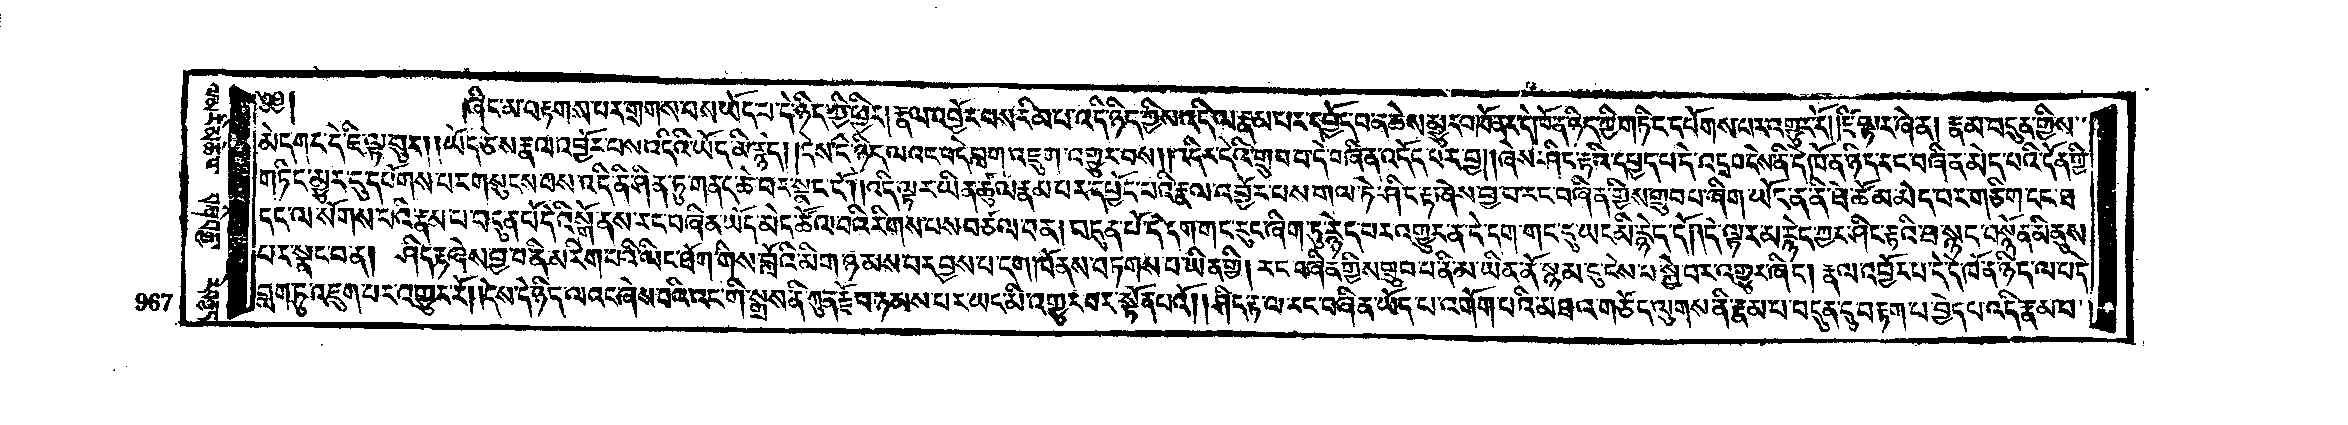༄༅། །ཞིང་མ་བརྟགས་པར་གྲགས་པས་ཡོད་པ་དེ་ཉིད་ཀྱི་ཕྱིར། རྣལ་འབྱོར་པས་རིམ་པ་འདི་ཉིད་ཀྱིས་འདི་ལ་རྣམ་པར་དཔྱོད་པ་ན་ཆེས་མྱུར་བ་ཁོ་ནར་དེ་ཁོ་ན་ཉིད་ཀྱི་གཏིང་དཔོགས་པར་འགྱུར་རོ། །ཇི་ལྟར་ཞེ་ན། རྣམ་བདུན་གྱིས་
མེད་དགོང་དེ་ཇི་ལྟ་བུར། །ཡོད་ཅེས་རྣལ་འབྱོར་པས་འདིའི་ཡོད་མི་རྙེད། །དེས་དེ་ཉིད་ལའང་བདེ་བླག་འཇུག་འགྱུར་བས། །འདིར་དེའི་གྲུབ་པ་དེ་བཞིན་འདོད་པར་བྱ། །ཞེས་ཤིང་རྟའི་དཔྱད་པ་དེ་འདྲ་བ་དེས་ནི་དེ་ཁོ་ན་ཉིད་རང་བཞིན་མེད་པའི་དོན་གྱི་
གཏིང་མྱུར་དུ་དཔོགས་པར་གསུངས་པས་འདི་ནི་ཤིན་ཏུ་གནད་ཆེ་བར་སྣང་ངོ། །འདི་ལྟར་ཡིན་ཚུལ་རྣམ་པར་དཔྱོད་པའི་རྣལ་འབྱོར་པས་གལ་ཏེ་ཤིང་རྟ་ཞེས་བྱ་བ་རང་བཞིན་གྱིས་གྲུབ་པ་ཞིག་ཡོད་ན་ནི་ཐེ་ཚོམ་མེད་པར་གཅིག་དང་ཐ་
དད་ལ་སོགས་པའི་རྣམ་པ་བདུན་པོ་དེའི་སྒོ་ནས་རང་བཞིན་ཡོད་མེད་ཚོལ་བའི་རིགས་པས་བཙལ་བ་ན། བདུན་པོ་དེ་དག་གང་རུང་ཞིག་ཏུ་རྙེད་པར་འགྱུར་ན་དེ་དག་གང་དུ་ཡང་མི་རྙེད་དོ། །དེ་ལྟར་མ་རྙེད་ཀྱང་ཤིང་རྟའི་ཐ་སྙད་བསྙོན་མི་ནུས་
པར་སྣང་བ་ན། ཤིང་རྟ་ཞེས་བྱ་བ་ནི་མ་རིག་པའི་ལིང་ཐོག་གིས་བློའི་མིག་ཉམས་པར་བྱས་པ་དག་ཁོ་ནས་བཏགས་པ་ཡིན་གྱི། རང་བཞིན་གྱིས་གྲུབ་པ་ནི་མ་ཡིན་ནོ་སྙམ་དུ་ངེས་པ་སྐྱེ་བར་འགྱུར་ཞིང་། རྣལ་འབྱོར་པ་དེ་དེ་ཁོ་ན་ཉིད་ལ་བདེ་
བླག་ཏུ་འཇུག་པར་འགྱུར་རོ། །དེས་དེ་ཉིད་ལའང་ཞེས་པའི་འང་གི་སྒྲས་ནི་ཀུན་རྫོབ་ཉམས་པར་ཡང་མི་འགྱུར་བར་སྟོན་པའོ། །ཤིང་རྟ་ལ་རང་བཞིན་ཡོད་པ་འགོག་པའི་མཐའ་གཅོད་ལུགས་ནི་རྣམ་པ་བདུན་དུ་བརྟག་པ་བྱེད་པ་འདི་རྣམ་པ་